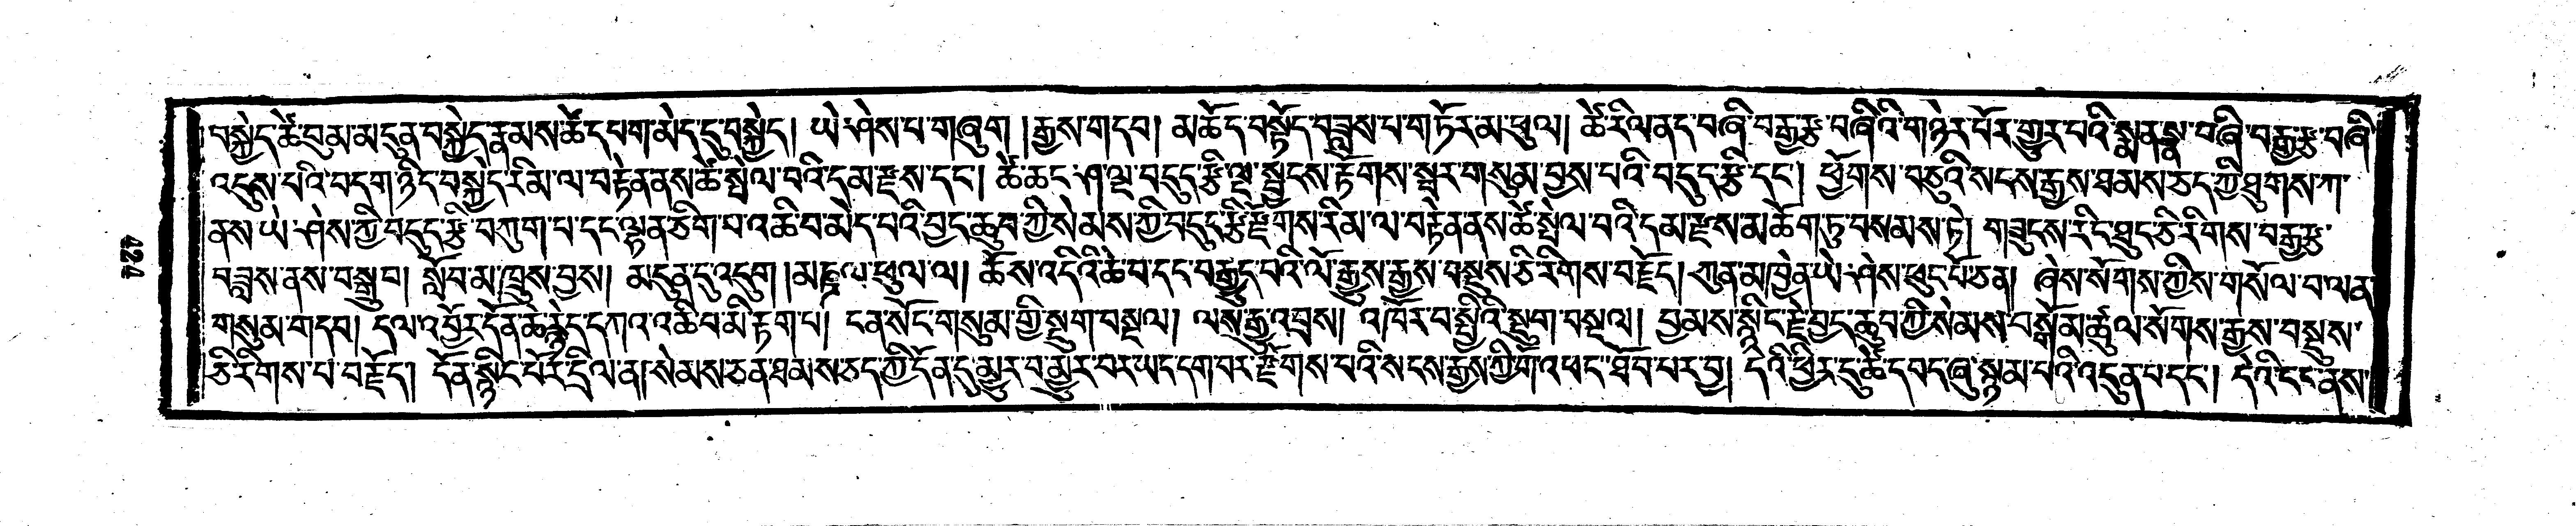བསྐྱེད་ཚེ་བུམ་མདུན་བསྐྱེད་རྣམས་ཚེ་དཔག་མེད་དུ་བསྐྱེད། ཡེ་ཤེས་པ་གཞུག །རྒྱས་གདབ། མཆོད་བསྟོད་བཟླས་པ་གཏོར་མ་ཕུལ། ཚེ་རིལ་ནད་བཞི་བརྒྱ་རྩ་བཞིའི་གཉེན་པོར་གྱུར་པའི་སྨན་སྣ་བཞི་བརྒྱ་རྩ་བཞི་
འདུས་པའི་བདག་ཉིད་བསྐྱེད་རིམ་ལ་བརྟེན་ནས་ཚེ་སྤེལ་བའི་དམ་རྫས་དང་། ཚེ་ཆང་ཤ་ལྔ་བདུད་རྩི་ལྔ་སྦྱངས་རྟོགས་སྦར་གསུམ་བྱས་པའི་བདུད་རྩི་དང་། ཕྱོགས་བཅུའི་སངས་རྒྱས་ཐམས་ཅད་ཀྱི་ཐུགས་ཀ་
ནས་ཡེ་ཤེས་ཀྱི་བདུད་རྩི་བཀུག་པ་དང་ལྷན་ཅིག་པ་འཆི་བ་མེད་པའི་བྱང་ཆུབ་ཀྱི་སེམས་ཀྱི་བདུད་རྩི་རྫོགས་རིམ་ལ་བརྟེན་ནས་ཚེ་སྤེལ་བའི་དམ་རྫས་མཆོག་ཏུ་བསམས་ཏེ། གཟུངས་རིང་ཐུང་ཅི་རིགས་བརྒྱ་རྩ་
བཟླས་ནས་བསྒྲུབ། སློབ་མ་ཁྲུས་བྱས། མདུན་དུ་འདུག །མཎྜལ་ཕུལ་ལ། ཆོས་འདིའི་ཆེ་བ་དང་བརྒྱུད་པའི་ལོ་རྒྱུས་རྒྱས་བསྡུས་ཅི་རིགས་བརྗོད། ཀུན་མཁྱེན་ཡེ་ཤེས་ཕུང་པོ་ཅན། ཞེས་སོགས་ཀྱིས་གསོལ་བ་ལན་
གསུམ་གདབ། དལ་འབྱོར་དོན་ཆེ་རྙེད་དཀའ་འཆི་བ་མི་རྟག་པ། ངན་སོང་གསུམ་གྱི་སྡུག་བསྔལ། ལས་རྒྱུ་འབྲས། འཁོར་བ་སྤྱིའི་སྡུག་བསྔལ། བྱམས་སྙིང་རྗེ་བྱང་ཆུབ་ཀྱི་སེམས་བསྒོམ་ཚུལ་སོགས་རྒྱས་བསྡུས་
ཅི་རིགས་པ་བརྗོད། དོན་སྙིང་པོར་དྲིལ་ན། སེམས་ཅན་ཐམས་ཅད་ཀྱི་དོན་དུ་མྱུར་བ་མྱུར་བར་ཡང་དག་པར་རྫོགས་པའི་སངས་རྒྱས་ཀྱི་གོ་འཕང་ཐོབ་པར་བྱ། དེའི་ཕྱིར་དུ་ཚེ་དབང་ཞུ་སྙམ་པའི་འདུན་པ་དང་། དེའི་ངང་ནས་